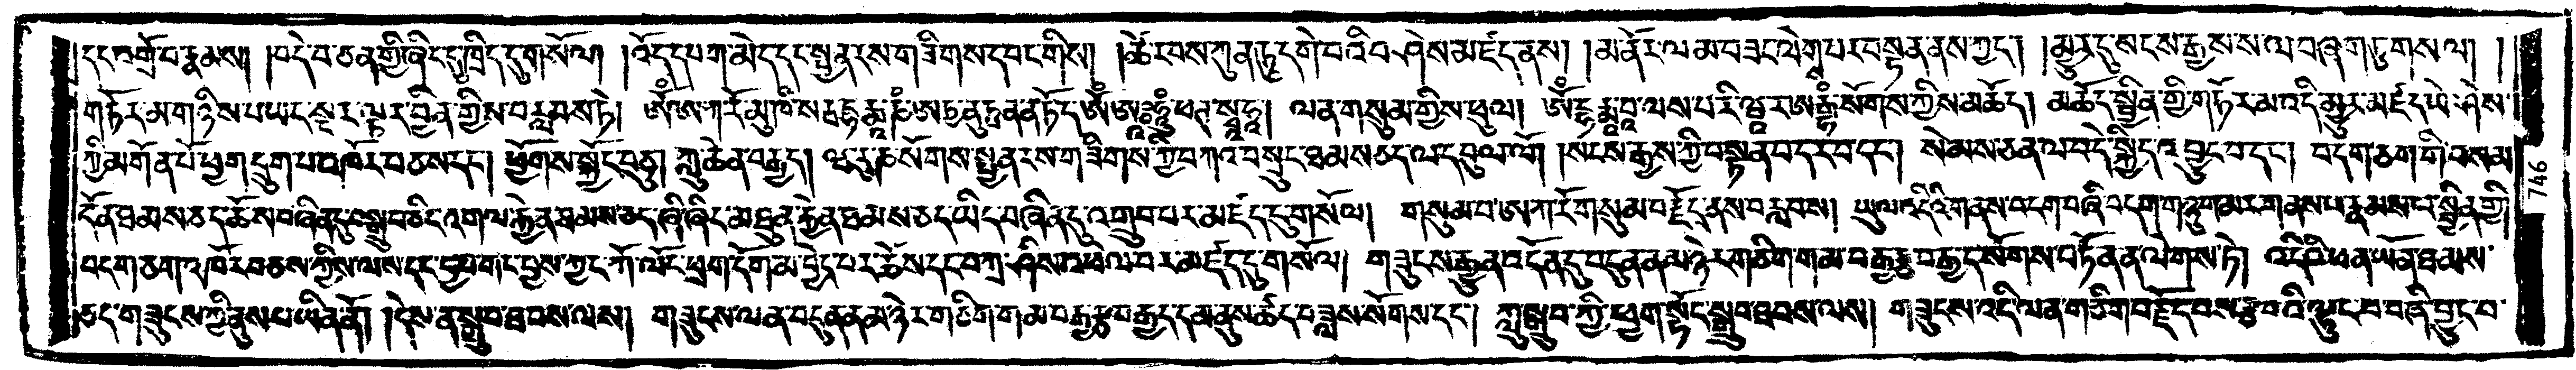དང་འགྲོ་བརྣམས། །བདེ་བ་ཅན་གྱི་ཞིང་དུ་ཁྲིད་དུ་གསོལ། །འོད་དཔག་མེད་དང་སྤྱན་རས་གཟིགས་དབང་གིས། །ཚེ་རབས་ཀུན་ཏུ་དགེ་བའི་ཤེས་མཛད་ནས། །མནོར་ལམ་བཟང་ལེགས་པར་བསྟན་ནས་ཀྱང་། །མྱུར་དུ་སངས་རྒྱས་ས་ལ་བཞག་ཏུ་གསོལ། །
གཏོར་མ་གཉིས་པ་ཡང་སྔར་ལྟར་བྱིན་གྱིས་བརླབས་ཏེ། ཨོཾ་ཨ་ཀ་རོ་མུ་ཁཾ་སརྦ་དྷ་རྨཱ་ཎཾ་ཨཏྱ་ནུ་ཏྤན་ཏོ་ད་ཨོཾ་ཨཱཿ ཧཱུཾ་ཕཊ་སྭཱ་ཧཱ། ལན་གསུམ་གྱིས་ཕུལ། ཨོཾ་དྷ་རྨཱ་བཱ་ལས་པ་རི་ཝཱ་ར་ཨ་རྒྷ་སོགས་ཀྱིས་མཆོད། མཆོད་སྦྱིན་གྱི་གཏོར་མ་འདི་མྱུར་མཛད་ཡེ་ཤེས་
ཀྱི་མགོན་པོ་ཕྱག་དྲུག་པ་འཁོར་བཅས་དང་། ཕྱོགས་སྐྱོང་བཅུ། ཀླུ་ཆེན་བརྒྱད། ཝ་རུ་ཎ་སོགས་སྤྱན་རས་གཟིགས་ཀྱི་བཀའ་བསྲུང་ཐམས་ཅད་ལ་དབུལ་ལོ། །སངས་རྒྱས་ཀྱི་བསྟན་པ་དར་བ་དང་། སེམས་ཅན་ལ་བདེ་སྐྱིད་འབྱུང་བ་དང་། བདག་ཅག་གི་བསམ་
དོན་ཐམས་ཅད་ཆོས་བཞིན་དུ་བསྒྲུབ་ཅིང་འགལ་རྐྱེན་ཐམས་ཅད་ཞི་ཞིང་མཐུན་རྐྱེན་ཐམས་ཅད་ཡིད་བཞིན་དུ་འགྲུབ་པར་མཛད་དུ་གསོལ། གསུམ་པ་ཨ་ཀ་རོ་གསུམ་བརྗོད་ནས་བརླབས། ཡུལ་འདིའི་གནས་བདག་བཞི་བདག་གཉུག་མར་གནས་པ་རྣམས་ལ་སྦྱིན་གྱི།
བདག་ཅག་འཁོར་བཅས་ཀྱིས་ལས་དང་བྱ་བ་གང་བྱས་ཀྱང་ཀོ་ལོང་ཕྲག་དེག་མ་བྱེད་པར་ཆོས་དང་བཀྲ་ཤིས་འཕེལ་བར་མཛད་དུ་གསོལ། གཟུངས་རྒྱུན་འདོན་དུ་བདུན་ནམ་ཉེར་གཅིག་གམ་བརྒྱ་རྩ་བརྒྱད་སོགས་བཏོན་ན་ལེགས་ཏེ། འདིའི་ཕན་ཡོན་ཐམས་
ཅད་གཟུངས་ཀྱི་ནུས་པ་ཡིན་ནོ། །དེས་ན་སྒྲུབ་ཐབས་ལས། གཟུངས་ལན་བདུན་ན་མཉེར་གཅིག་གམ་བརྒྱ་རྩ་བརྒྱད་དམ་ནུས་ཚད་བཟླས་སོགས་དང་། ཀླུ་སྒྲུབ་ཀྱི་ཕྱག་སྟོང་སྒྲུབ་ཐབས་ལས། གཟུངས་འདི་ལན་གཅིག་བརྗོད་པས་རྩ་བའི་ལྟུད་པ་བཞི་བྱུང་བ་